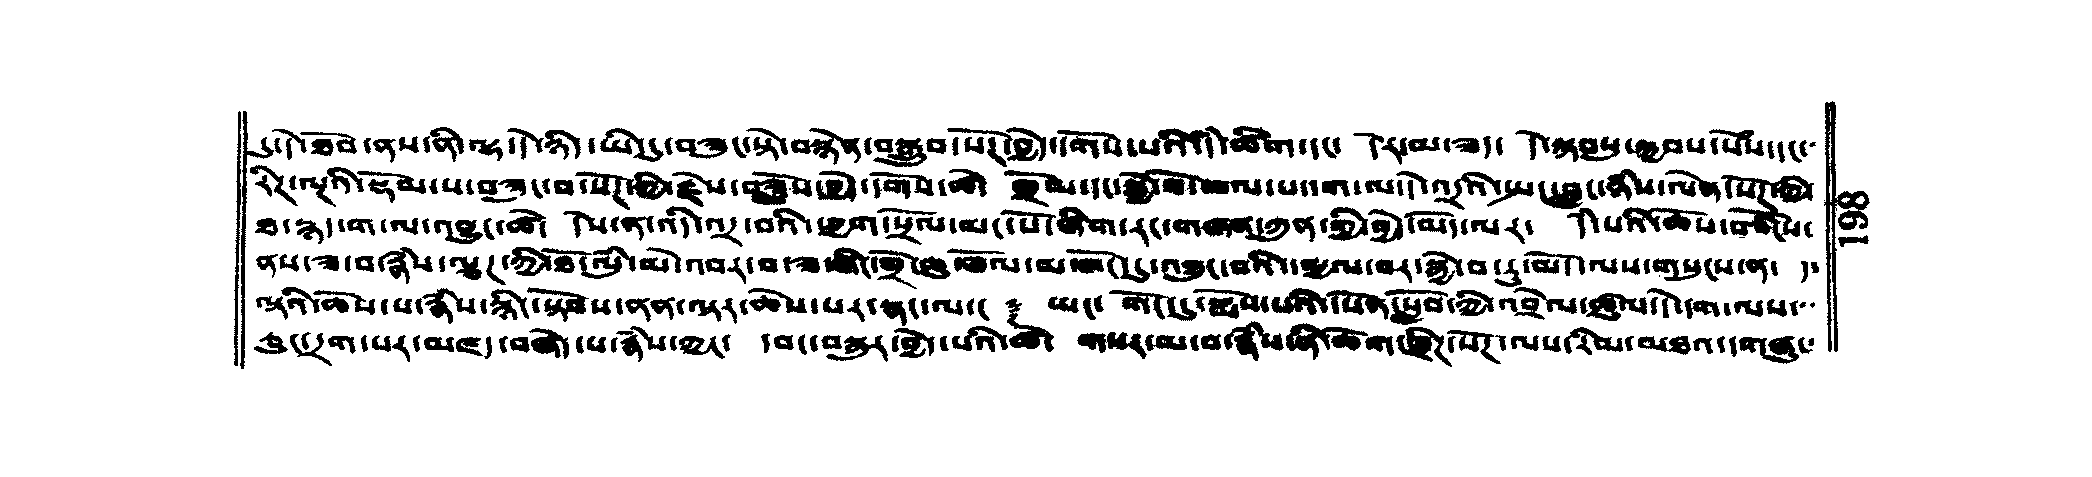དུ་དེ་ཐོབ་ནས་ནི་ལྷ་དེ་ཉིད་ཡིད་དུ་བཟུང་སྟེ་བསྙེན་བསྒྲུབ་སོགས་བྱེད་དགོས་པའི་དམ་ཚིག་དང་། དེར་མ་ཟད། དེ་སྐབས་སུ་སྐྱབས་སེམས་དང་
རིགས་ལྔའི་སྡོམ་པ་བཟུང་བ་སོགས་ཀྱི་རྗེས་བཟློས་བྱེད་དགོས་ཚེ། ཁྲོམ་དང་སྐྱེ་བོ་ཕལ་པ་དག་ལ་དེ་འདྲའི་སྤང་བླང་ཉམས་ལེན་སོགས་ཀྱི་
ཐ་སྙད་ག་ལ་འབྱུང་ཚེ། དེས་ན་འདི་འདྲ་བའི་ཕྱག་སྲོལ་མང་པོ་ཞིག་རང་གཞན་ཀུན་གྱི་བྱེད་མོད།ལར་དམ་པའི་ཆོས་བཙོངས་
ནས་ཟ་བ་རྣམས་ལྕགས་ཀྱི་ཐོ་ལུམ་མེ་འབར་བ་ཟ་ཞིང་ཁྲོ་ཆུ་ཁོལ་མ་ཁོང་དུ་འཐུང་བའི་དམྱལ་བར་སྐྱེ་བ་རུ་མདོ་ལས་གསུངས་ན། ད་
ལྟའི་ཆོས་པ་རྣམས་སྙིང་སྟོབས་ནན་ལྟར་ཆེ་པར་སྣང་ལ། ཡོང་གོང་དུ་སྨོས་པའི་དཔོན་སློབ་ཀྱི་འབྲེལ་ཚུལ་དེ་དག་ལས་
ཅུང་དྲག་པར་མཛད་བཞེད་པ་རྣམས་ཀྱང་། དབང་བསྐུར་བྱེད་པའི་ཚེ། གསར་མ་བ་རྣམས་ནི་ཆོག་ཁྲིགས་སོགས་ལས་རིམ་མཐའ་དག་གཞུང་